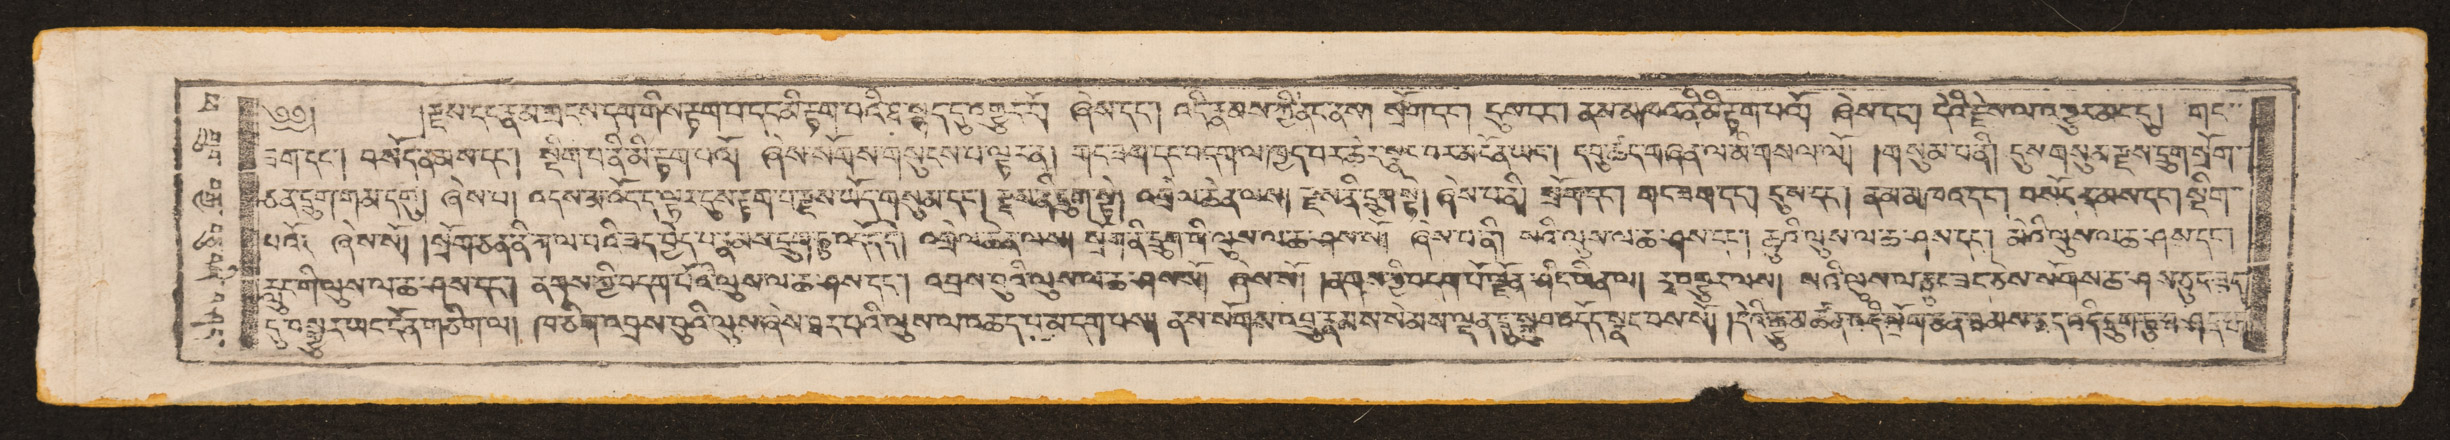༄༅། །རྫས་དང་རྣམ་གྲངས་དག་གིས་རྟག་པ་དང་མི་རྟག་པའི་ཐ་སྙད་དུ་འགྱུར་རོ། ཞེས་དང་། འདི་རྣམས་ཀྱི་ནང་ནས། སྲོག་དང་། དུས་དང་། ནམ་མཁའ་ནི་མི་རྟག་པའོ། ཞེས་དང་། དེའི་རྗེས་ལ་འགྱུར་མང་དུ། གང་
ཟག་དང་། བསོད་ནམས་དང་། སྡིག་པ་ནི་མི་རྟག་པའོ། ཞེས་སོགས་གསུངས་པ་ལྟར་ན། གང་ཟག་དང་བདག་ལ་ཁྱད་པར་ཆེར་སྣང་བར་མངོན་ཡང་། དབུ་ཚད་གཞན་ལ་མི་གསལ་ལོ། །གསུམ་པ་ནི། དུས་གསུམ་རྫས་དྲུག་སྲོག་
ཅན་དྲུག་གམ་དགུ། ཞེས་པ། འདས་མ་འོང་ད་ལྟར་དུས་རྟག་པ་རྫས་ཡོད་གསུམ་དང་། རྫས་ནི་དྲུག་སྟེ། འགྲེལ་ཆེན་ལས། རྫས་ནི་དྲུག་སྟེ། ཞེས་པ་ནི། སྲོག་དང་། གང་ཟག་དང་། དུས་དང་། ནམ་མཁའ་དང་། བསོད་ནམས་དང་། སྡིག་
པའོ༑ ཞེས་སོ། །སྲོག་ཅན་ནི་ཀ་ལ་བའི་ཟད་བྱེད་པ་རྣམས་དྲུག་ཏུ་འདོད་དེ། འགྲེལ་ཆེན་ལས། སྲོག་ནི་དྲུག་གི་ལུས་ལ་ཆ་ཤས་སོ། ཞེས་པ་ནི། སའི་ལུས་ལ་ཆ་ཤས་དང་། ཆུའི་ལུས་ལ་ཆ་ཤས་དང་། མེའི་ལུས་ལ་ཆ་ཤས་དང་།
རླུང་གི་ལུས་ལ་ཆ་ཤས་དང་། ནགས་ཀྱི་བདག་པོའི་ལུས་ལ་ཆ་ཤས་དང་། འབྲས་བུའི་ལུས་ལ་ཆ་ཤས་སོ། ཞེས་སོ། །ནགས་ཀྱི་བདག་པོ་ལྗོན་ཤིང་ཡིན་ལ། རྭ་འགྱུར་ལས། སའི་ལུས་ལ་ཅུང་ཟད་ཅེས་སོགས་ཆ་ཤས་ཅུང་ཟད་
དུ་བསྒྱུར་ཡང་བོད་གཅིག་ལ། ཁ་ཅིག་འབྲས་བུའི་ལུས་ཞེས་ཐར་པའི་ལུས་ལ་འཆད་པ་མ་དག་པས། ནས་སོགས་འབྲུ་རྣམས་སེམས་ལྡན་དུ་སྒྲུབ་འདོད་སྣང་བས་སོ། །དེའི་རྒྱུ་མཚན་འདི་སྲོག་ཅན་ཐམས་ཅད་འདི་དྲུག་ཏུ་བཤད་པ་